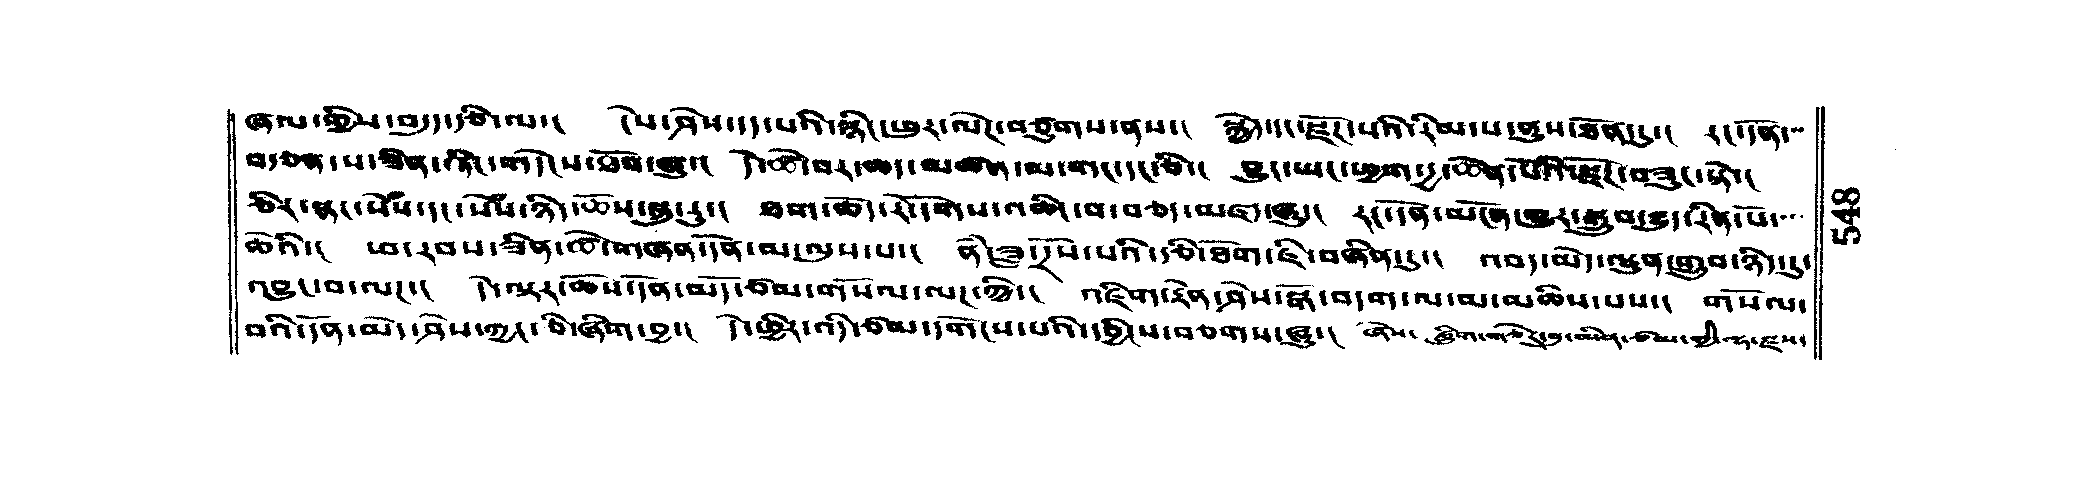ཞལ་གྱིས་བདུད་རྩི་ལ། །ངེས་ཤེས་དད་པའི་སྙིང་ཕུར་ལེགས་བཙུགས་ནས། །སྐྱེད་དང་རྫོགས་པའི་རིམ་པ་ནུས་ཐོན་དུ། །རང་དོན་
བརྩན་ས་ཟིན་ཞིང་གདེངས་ཐོབ་ཞུ། །དེ་ཚེ་བར་ཆད་མཚན་མ་གང་དང་ཅི། །བྱུང་ཡང་ཕྱག་རྒྱ་ཆེན་པོའི་རྫོང་བཟུང་སྟེ། །
ཅིར་སྣང་སེམས་དང་སེམས་ཉིད་ཆོས་སྐུ་རུ། །ཐག་ཆོད་རེ་དོགས་འཆིང་བ་བཅད་མཛད་ཞུ། །རང་དོན་མངོན་གྱུར་སྒྲུབ་རྒྱུད་རིན་པོ་
ཆེའི། །ཕ་རབས་ཟིན་ཚེ་གཞན་དོན་མ་ལུས་པ། །ནམ་ཟླ་དྲོས་པའི་རྩི་ཐོག་ཇི་བཞིན་དུ། །འབད་མེད་ལྷུན་གྲུབ་ཉིད་དུ་
འབྱུང་བ་ལགས། །དེ་ལྟར་ཆོས་དོན་མདོ་ཙམ་གསོལ་ལགས་ཀྱི། །འཇིག་རྟེན་ཤེས་སྒོ་བདག་ལ་མ་མཆིས་པས། །གསོལ་
བའི་དོན་མེད་ཤེས་ཀྱང་ཅི་ཞིག་བྱ། །དེ་ཕྱིར་འདི་ཙམ་དགོངས་པའི་དབྱིངས་བཅགས་ཞུ།། ཞེས་ཞུ་ཡིག་གཅེར་བུ་མིན་ཙམ་གྱི་ལྷ་རྫས་